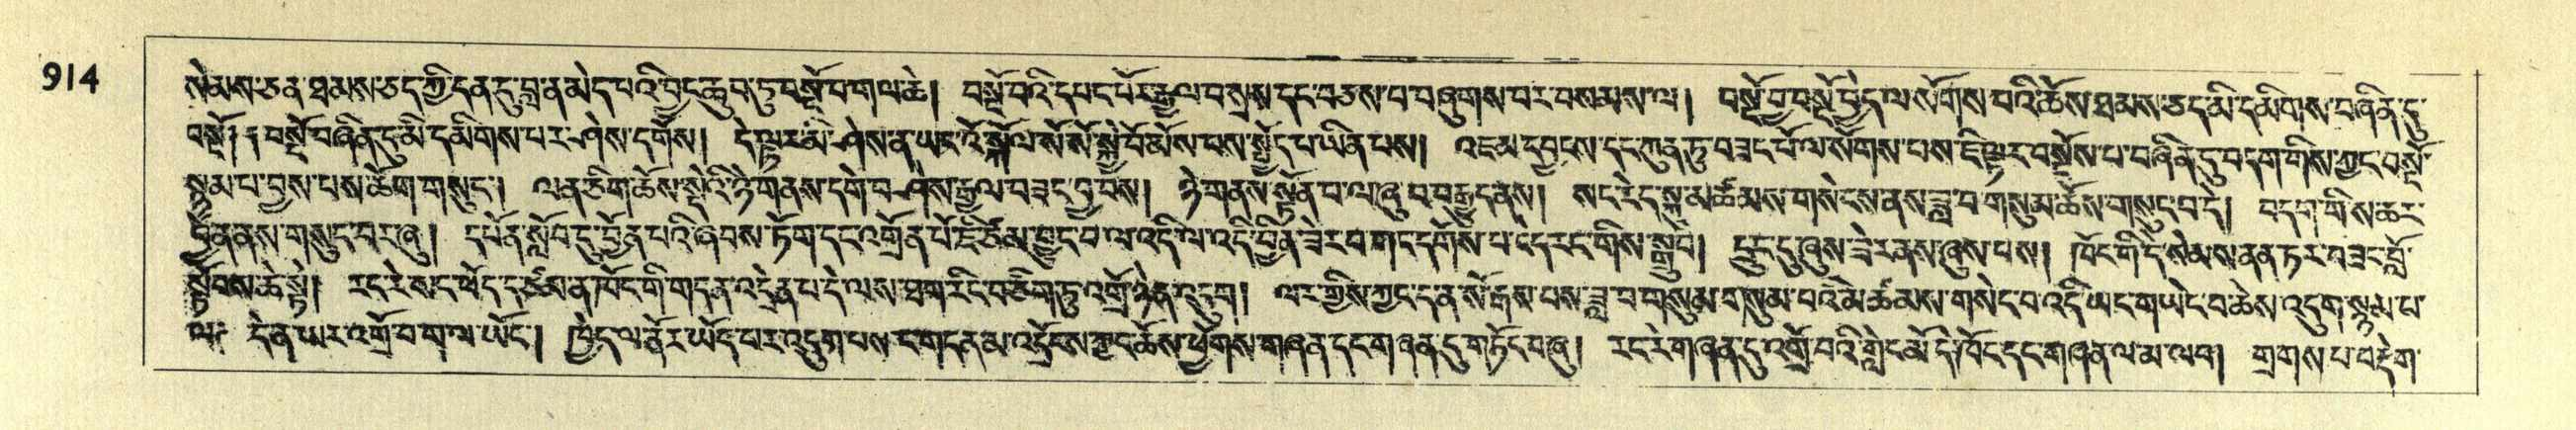སེམས་ཅན་ཐམས་ཅད་ཀྱི་དན་དུ་བླ་ན་མེད་པའི་བྱང་ཆུབ་ཏུ་བསྔོ་བ་གལ་ཆེ། བསྔོ་བའི་དབང་པོར་རྒྱལ་བ་སྲས་དང་བཅས་པ་བཞུགས་པར་བསམས་ལ། བསྔོ་བྱ་བསྔོ་བྱེད་ལ་སོགས་བའི་ཆོས་ཐམས་ཅད་མི་དམིགས་བཞིན་དུ་
བསྔོ༑ ༑བསྔོ་བཞིན་དུ་མི་དམིགས་པར་ཤེས་དགོས། དེ་ལྟར་མི་ཤེས་ན་ཡང་འོ་སྐོལ་སོ་སོ་སྐྱེ་བོ་མོས་པས་སྤྱོད་པ་ཡིན་པས། འཇམ་དབྱངས་དང་ཀུན་ཏུ་བཟང་པོ་ལ་སོགས་པས་ཇི་ལྟར་བསྔོས་པ་བཞིན་དུ་བདག་གིས་ཀྱང་བསྔོ་
སྙམ་པ་བྱས་པས་ཆོག་གསུང་། ལན་ཅིག་ཆོས་སྡེའི་ཉེ་གནས་དགེ་བཤེས་རྒྱལ་བཟང་བྱ་བས། ཉེ་གནས་སྟོན་པ་ལ་ཞུ་བ་བརྒྱུད་ནས། སང་རེད་སྐུ་མཚམས་གསེངས་ནས་ཟླ་བ་གསུམ་ཆོས་གསུང་བ་དེ། བདག་གིས་ཆར་
བྱོན་ནས་གསུང་བར་ཞུ། དཔོན་སློབ་དུ་བྱོན་པའི་ཞབས་ཏོག་དང་འགྲོན་པོ་ཇི་ཙམ་བྱུང་བ་ལ་འདི་ལ་འདི་བྱིན་ཟེར་བ་གང་དགོས་པ་ངེད་རང་གིས་སྒྲུབ། དྲུང་དུ་ཞུས་ཟེར་ནས་ཞུས་པས། ཁོང་གི་དེ་སེམས་ནན་ཏར་བཟང་བློ་
སྟོབས་ཆེ་སྟེ། རང་རེ་སང་ཕོད་ད་ཙམ་ན་ཁོང་གི་གདན་འདྲེན་པ་དེ་ལས་ཐག་རིང་བ་ཅིག་ཏུ་འགྲོ་ཉེན་འདུག། ལར་གྱིས་ཀྱང་ད་ན་སོ་རྒས་བས་ཟླ་བ་གསུམ་གསུམ་བའི་མཚམས་གསེང་བ་འདི་ཡང་གཡེང་བ་ཆེས་འདུག་སྙམ་པ་
ལ༑ དེ་ན་ཡར་འགྲོ་བ་ག་ལ་ཡོང་། ཁྱེད་ལ་ནོར་ཡོད་པར་འདུག་པས་ང་གདན་མ་འདྲོངས་ཀྱང་ཆོས་ཕྱོགས་གཞན་དང་གཞན་དུ་གཏོང་བ་ཞུ། རང་རེ་གཞན་དུ་འགྲོ་བའི་གླེང་མོ་དེ་ཁོང་དང་གཞན་ལ་མ་ལབ། གྲགས་པ་བརྡེག་